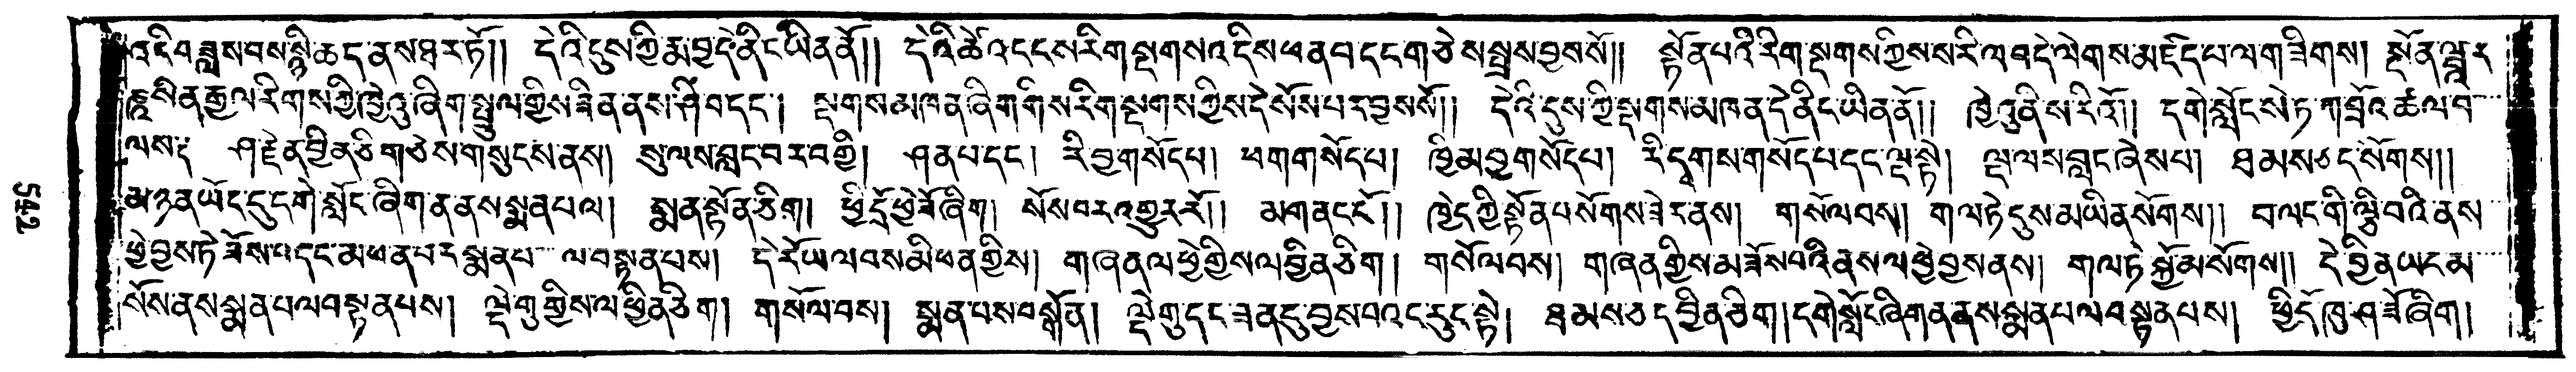འདི་བཟླས་བས་སྙི་ཆད་ནས་ཐར་ཏོ།། དེའི་དུས་ཀྱི་རྨ་བྱ་དེ་ནི་ང་ཡིན་ནོ།། དེའི་ཚེའང་ངས་རིག་སྔགས་འདིས་ཕན་པ་དང་གཅེས་སྤྲས་བྱས་སོ།། སྟོན་པའི་རིག་སྔགས་ཀྱིས་ས་རི་ལ་བདེ་ལེགས་མཛད་པ་ལ་གཟིགས། སྔོན་ཝཱར་
ཎཱ་སིན་རྒྱལ་རིགས་ཀྱི་ཁྱེའུ་ཞིག་སྤྲུལ་གྱིས་ཟིན་ནས་ཤི་བ་དང་། སྔགས་མཁན་ཞིག་གིས་རིག་སྔགས་ཀྱིས་དེ་སོས་པར་བྱས་སོ།། དེའི་དུས་ཀྱི་སྔགས་མཁན་དེ་ནི་ང་ཡིན་ནོ།། ཁྱེའུ་ནི་ས་རིའོ།། དགེ་སློང་སེ་ཏ་ཀ་བྲོ་འཚལ་བ་
ལས༑ ཤ་རྗེན་བྱིན་ཅིག་ཅེས་གསུངས་ནས། སུ་ལས་བླང་བར་བགྱི། ཤན་པ་དང་། རི་བྱ་གསོད་པ། ཕག་གསོད་པ། ཁྱིམ་བྱ་གསོད་པ། རི་དྭགས་གསོད་པ་དང་ལྔ་སྟེ། ལྔ་ལས་བླང་ཞེས་པ། ཐམས་ཅད་སོགས།།
མཉན་ཡོད་དུ་དགེ་སློང་ཞིག་ན་ནས་སྨན་པ་ལ། སྨན་སྟོན་ཅིག། ཕྱི་དྲོ་ཕྱེ་ཟོ་ཞིག། སོས་བར་འགྱུར་རོ།། མ་གནང་ངོ།། ཁྱེད་ཀྱི་སྟོན་པ་སོགས་ཟེར་ནས། གསོལ་བས། གལ་ཏེ་དུས་མ་ཡིན་སོགས།། བ་ལང་གི་ལྕི་བའི་ནས་
ཕྱེ་བྱས་ཏེ་ཟོས་པ་དང་མ་ཕ་ན་པར་སྨན་པ་ལ་བསྟན་པས། དེ་རོ་ཡལ་བས་མི་ཕན་གྱིས། གཞན་ལ་ཕྱེ་གྱིས་ལ་བྱིན་ཅིག། གསོལ་བས། གཞན་གྱིས་མྯོས་པའི་ནས་ལ་ཕྱེ་བྱས་ནས། གལ་ཏེ་སྐྱོ་མ་སོགས།། དེ་བྱིན་ཡང་མ་
སོས་ནས་སྨན་པ་ལ་བསྟན་པས། ལྡེ་གུ་གྱིས་ལ་ཕྱིན་ཅིག། གསོལ་བས། སྨན་པས་བསྒོན། ལྡེ་གུ་དང་ཟྣ་དུ་བྱས་པའང་རུང་སྟེ། ཐམས་ཅད་བྱིན་ཅིག། དགེ་སློང་ཞིག་ན་ནས་སྨན་པ་ལ་བསྟན་པས། ཕྱི་དོ་ཁུ་ཤ་ཟོ་ཞིག།